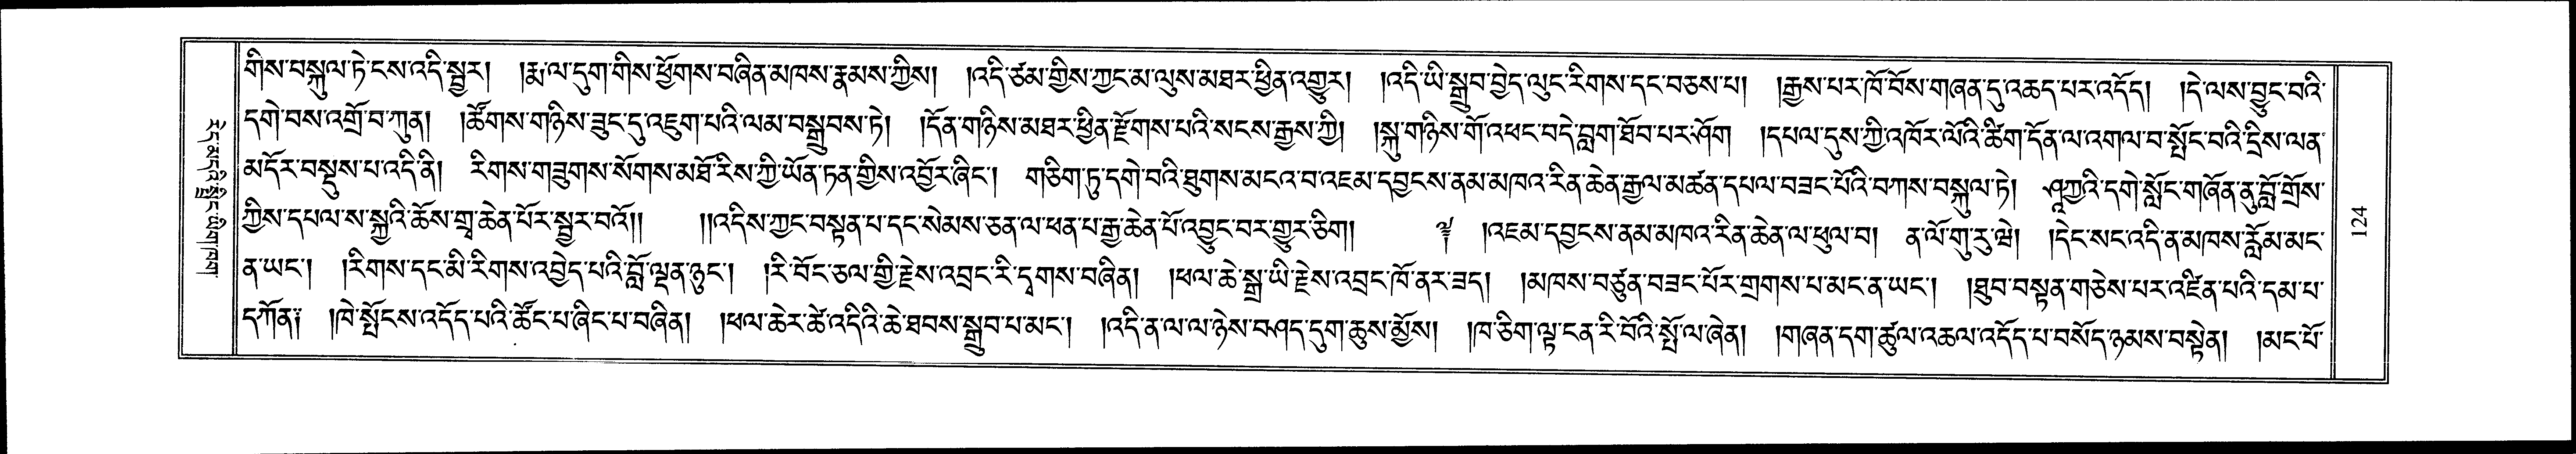གིས་བསྐུལ་ཏེ་ངས་འདི་སྦྱར། །རྨ་ལ་དུག་གིས་ཕྱོགས་བཞིན་མཁས་རྣམས་ཀྱིས། །འདི་ཙམ་གྱིས་ཀྱང་མ་ལུས་མཐར་ཕྱིན་འགྱུར། །འདི་ཡི་སྒྲུབ་བྱེད་ལུང་རིགས་དང་བཅས་པ། །རྒྱས་པར་ཁོ་བོས་གཞན་དུ་འཆད་པར་འདོད། །དེ་ལས་བྱུང་བའི་
དགེ་བས་འགྲོ་བ་ཀུན། །ཚོགས་གཉིས་ཟུང་དུ་འཇུག་པའི་ལམ་བསྒྲུབས་ཏེ། །དོན་གཉིས་མཐར་ཕྱིན་རྫོགས་པའི་སངས་རྒྱས་ཀྱི། །སྐུ་གཉིས་གོ་འཕང་བདེ་བླག་ཐོབ་པར་ཤོག །དཔལ་དུས་ཀྱི་འཁོར་ལོའི་ཚིག་དོན་ལ་འགལ་བ་སྤོང་པའི་དྲིས་ལན་
མདོར་བསྡུས་པ་འདི་ནི། རིགས་གཟུགས་སོགས་མཐོ་རིས་ཀྱི་ཡོན་ཏན་གྱིས་འབྱོར་ཞིང་། གཅིག་ཏུ་དགེ་བའི་ཐུགས་མངའ་བ་འཇམ་དབྱངས་ནམ་མཁའ་རིན་ཆེན་རྒྱལ་མཚན་དཔལ་བཟང་པོའི་བཀས་བསྐུལ་ཏེ། ཤཱཀྱའི་དགེ་སློང་གཞོན་ནུ་བློ་གྲོས་
ཀྱིས་དཔལ་ས་སྐྱའི་ཆོས་གྲྭ་ཆེན་པོར་སྦྱར་བའོ།། །།འདིས་ཀྱང་བསྟན་པ་དང་སེམས་ཅན་ལ་ཕན་པ་རྒྱ་ཆེན་པོ་འབྱུང་བར་གྱུར་ཅིག། ༈ །འཇམ་དབྱངས་ནམ་མཁའ་རིན་ཆེན་ལ་ཕུལ་བ། ན་ལོ་གུ་རུ་ཝེ། །དེང་སང་འདི་ན་མཁས་རློམ་མང་
ན་ཡང་། །རིགས་དང་མི་རིགས་འབྱེད་པའི་བློ་ལྡན་ཉུང་། །རི་བོང་ཅལ་གྱི་རྗེས་འབྲང་རི་དྭངས་བཞིན། །ཕལ་ཆེ་སྒྲ་ཡི་རྗེས་འབྲང་ཁོ་ནར་ཟད། །མཁས་བཙུན་བཟང་པོར་གྲགས་པ་མང་ན་ཡང་། །ཐུབ་བསྟན་གཅེས་པར་འཛིན་པའི་དམ་པ་
དཀོན། །ཁེ་སྤོངས་འདོད་པའི་ཚོང་པ་ཞིང་པ་བཞིན། །ཕལ་ཆེར་ཚེ་འདིའི་ཆེ་ཐབས་སྒྲུབ་པ་མང་། །འདི་ན་ལ་ལ་ཉེས་བཤད་དུག་ཆུས་མྱོས། །ཁ་ཅིག་ལྟ་ངན་རི་བོའི་སྤོ་ལ་ཞེན། །གཞན་དག་ཚུལ་འཆལ་འདོད་པ་བསོད་ཉམས་བསྟེན། །མང་པོ་